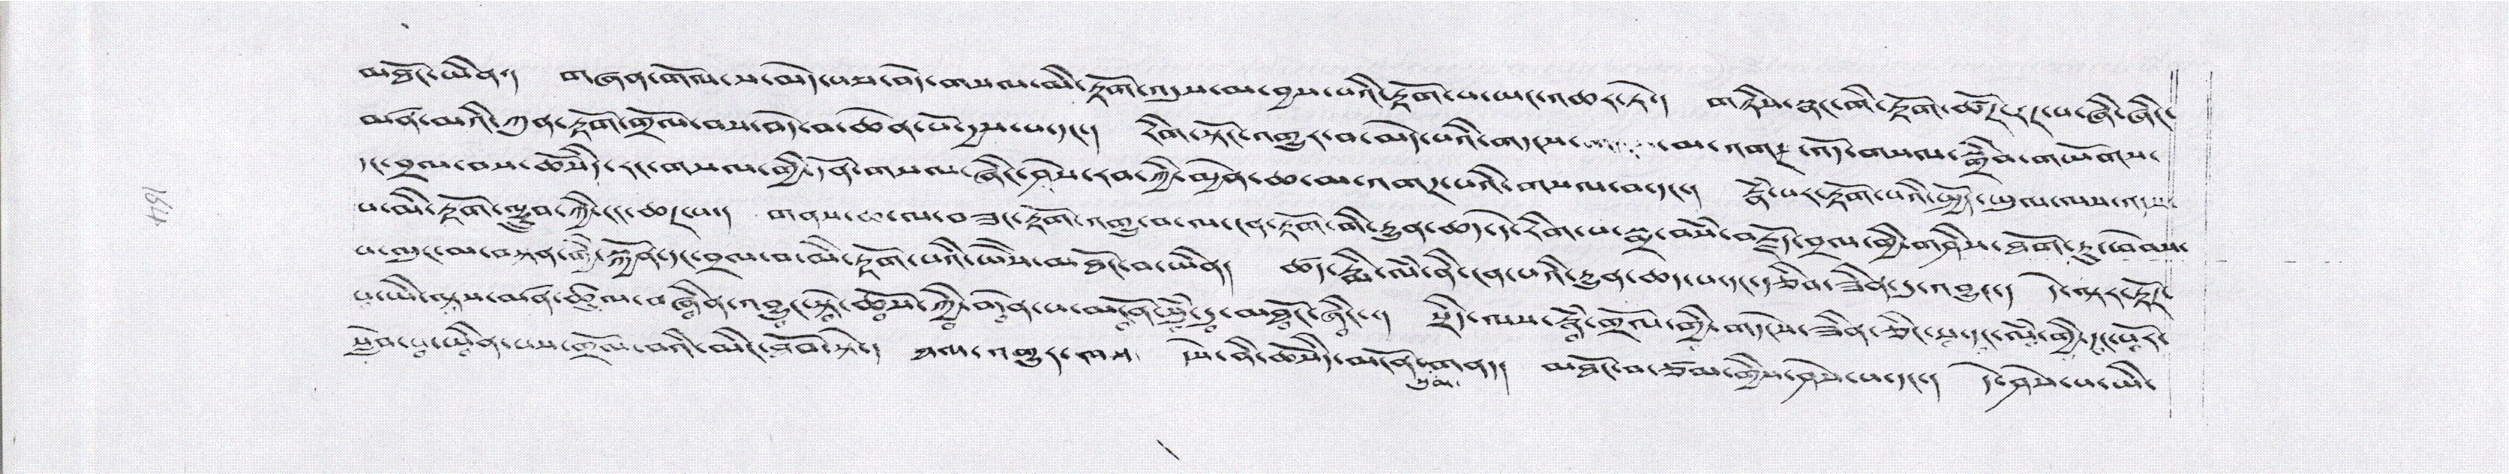མཐོང་ཡིན། གཞན་གོལ་ས་མེད་པས་བདེ་གསལ་མི་རྟོག་འདུས་མ་བྱས་པའི་རྟོག་པའང་འཆར་ཏེ། གཉིས་སྣང་གི་རྟོག་ཚོགས་རགས་པ་ཞི་ཞིང་
མཚན་མའི་ཀུན་རྟོག་གྲོལ་བས་བདེ་བ་ཆེན་པོ་རྒྱས་པ་དང་། རིག་སྟོང་འགྱུར་བ་མེད་པའི་གདངས་མ་འགག་འོད་གསལ་སྒྲིབ་གཡོགས་
དང་བྲལ་བས་ཆོས་ཉིད་རང་གསལ་གྱི་དོན་གསལ་ཞིང་ཤེས་རབ་ཀྱི་མཁྱེན་ཆ་མ་འགག་པས་གསལ་བ་དང་། རྣམ་པར་རྟོག་པའི་སྤྱོད་ཡུལ་ལས་འདས་
པ་མི་རྟོག་ལྷུན་གྲུབ་ཀྱི་ངང་ཆགས་པ། གནས་ཆ་ལ་བཟང་རྟོག་འགྱུ་བ་ལ་ངན་རྟོག་གི་རྒྱུན་ཆད་དེ་རིག་པ་སྨྲ་བསམ་བརྗོད་བྲལ་གྱི་གཤིས་ཐོག་ཏུ་ཕེབས་
པ་ལུང་མ་བསྟན་གྱི་སྐྱོན་དང་བྲལ་བ་མི་རྟོག་པའི་ཡེ་ཤེས་ཀྱི་སྐྱོན་དང་བྲལ་བ་མི་རྟོག་པའི་ཡེ་ཤེས་མཐོང་བ་ཡིན། ཚད་རྨི་ལམ་ནི་ངན་པའི་རྒྱུན་ཆད་པ་དང་རྩིས་ཟིན་དུ་འབྱུང་། དེ་ལྟར་རྟོགས་
པ་ཡི་ལྟས་མཚན་ཚུལ་བཞིན་དུ་འབྱུང་སྟེ་ཆོས་ཀྱི་བདེན་པ་མངོན་སུམ་དུ་མཐོང་ཞིང་། སྲིད་ལས་རྣམ་གྲོལ་གྱི་གདེང་ཟིན་ཅིང་ས་དང་ལམ་གྱི་དང་པོར་
སླེབས་པ་ཡིན་པས་གྲོལ་བའི་མིང་ཐོབ་སྟེ། ཐལ་འགྱུར་ལས། དེས་ནི་ཆོས་ཉིད་མངོན་སུམ་གནད། མཐོང་བ་ཙམ་གྱིས་ཤེས་པ་དང་། དེ་ཤེས་པ་མི་